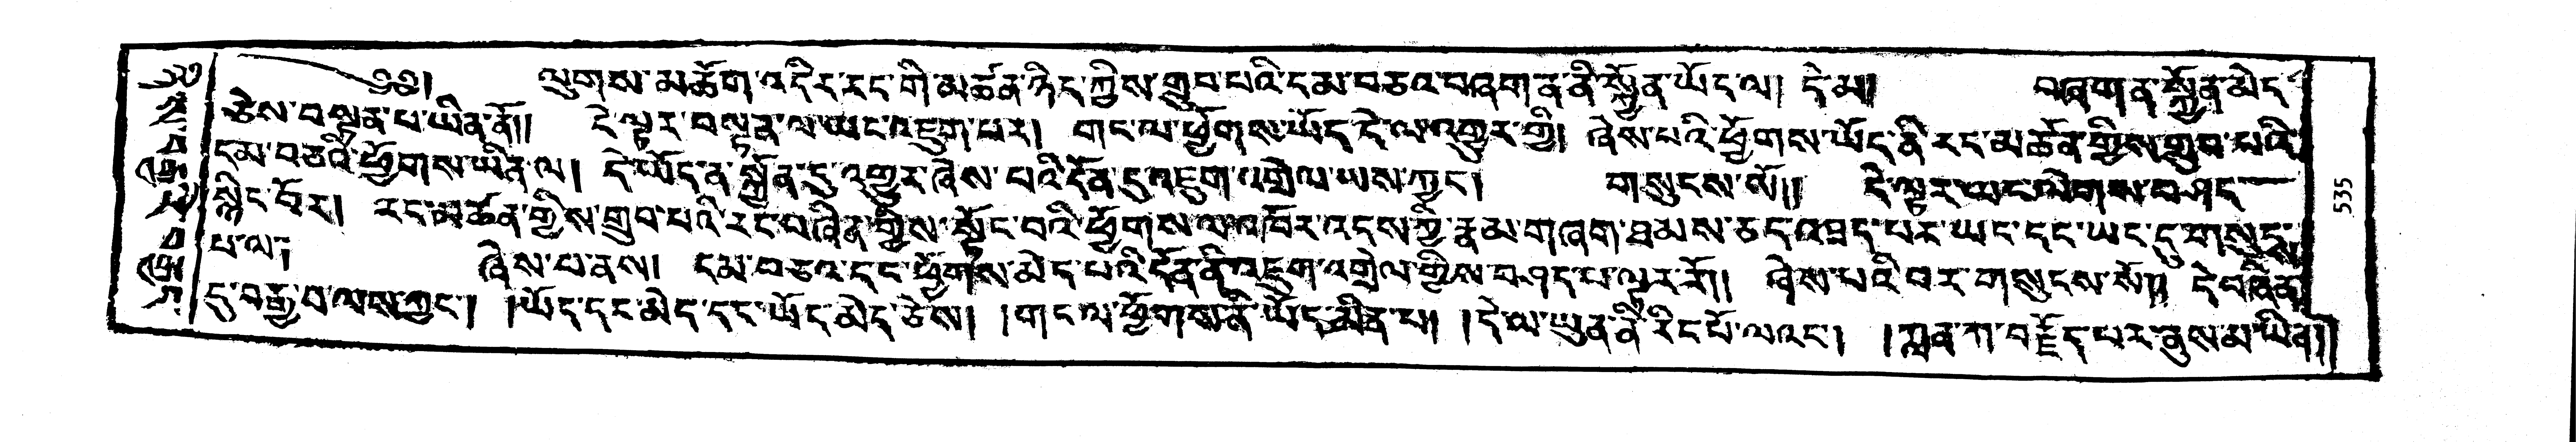༄༅། །ལུགས་མཆོག་འདིར་རང་གི་མཚན་ཉིད་ཀྱིས་གྲུབ་པའི་དམ་བཅའ་བཞག་ན་ནི་སྐྱོན་ཡོད་ལ། དེ་མ། བཞག་ན་སྐྱོན་མེད་
ཅེས་བསྟན་པ་ཡིན་ནོ། །དེ་ལྟར་བསྟན་ལ་ཡང་འཇུག་པར། གང་ལ་ཕྱོགས་ཡོད་དེ་ལ་འགྱུར་གྱི། ཞེས་པའི་ཕྱོགས་ཡོད་ནི་རང་མཚན་གྱིས་གྲུབ་པའི་
དམ་བཅའི་ཕྱོགས་ཡིན་ལ། དེ་ཡོད་ན་སྐྱོན་དུ་འགྱུར་ཞེས་པའི་དོན་དུ་འཇུག་འགྲེལ་ཡས་ཀྱང་། གསུངས་སོ། །དེ་ལྟར་ཡང་ལེགས་བཤད་
སྙིང་པོར། རང་མཚན་གྱིས་གྲུབ་པའི་རང་བཞིན་གྱིས་སྟོང་བའི་ཕྱོགས་ལ་འཁོར་འདས་ཀྱི་རྣམ་གཞག་ཐམས་ཅད་འཐད་པར་ཡང་དང་ཡང་དུ་གསུངས་
པ་ལ༑ ཞེས་པ་ནས། དམ་བཅའ་དང་ཕྱོགས་མེད་པའི་དོན་ནི་འཇུག་འགྲེལ་གྱིས་བཤད་པ་ལྟར་རོ། །ཞེས་པའི་བར་གསུངས་སོ། །དེ་བཞིན་
དུ་བརྒྱ་བ་ལས་ཀྱང་། །ཡོད་དང་མེད་དང་ཡོད་མེད་ཅེས། །གང་ལ་ཕྱོགས་ནི་ཡོད་མིན་པ། །དེ་ལ་ཡུན་ནི་རིང་པོ་ལའང་། །ཀླན་ཀ་བརྗོད་པར་ཞུས་མ་ཡིན།